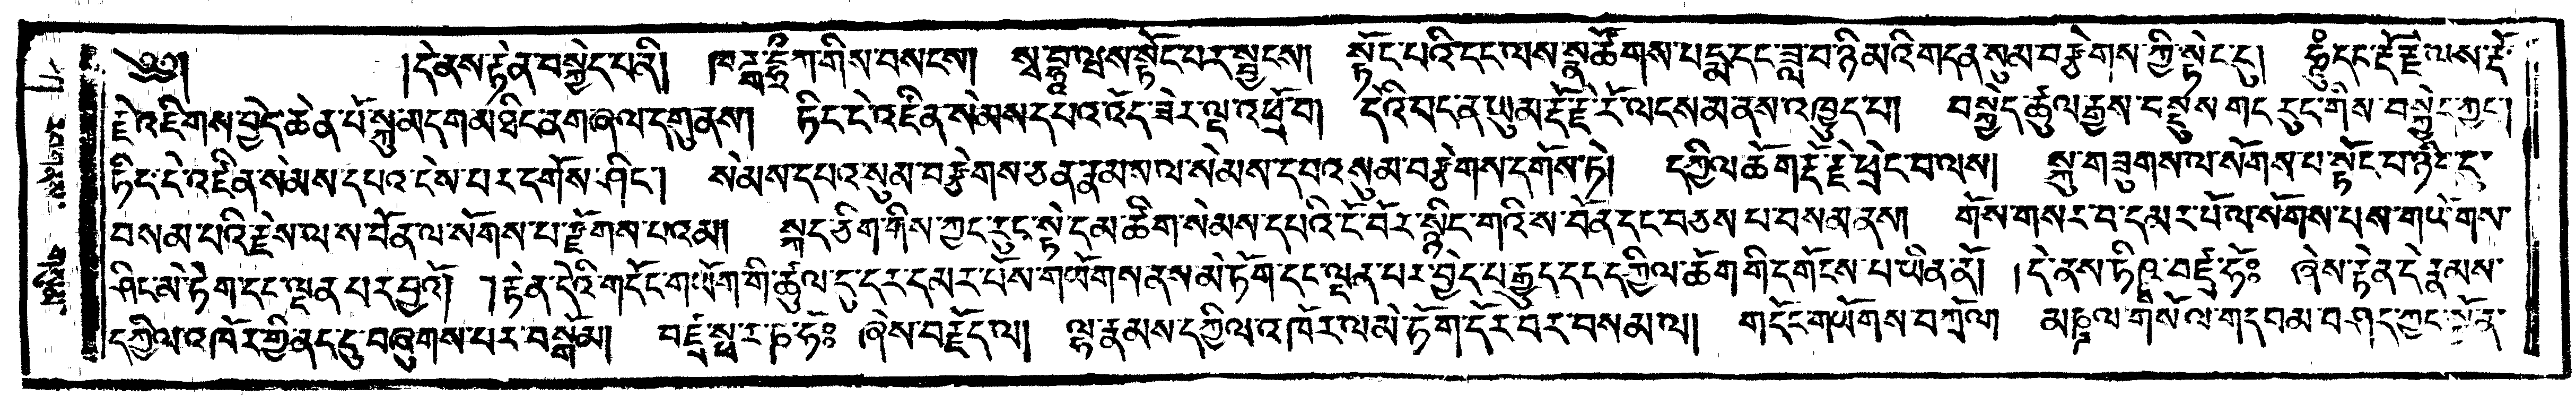༄༅། །དེ་ནས་རྟེན་བསྐྱེད་པ་ནི། ཁཌྒ་དྷྲྀ་ཀ་གིས་བསངས། སྭ་བྷཱ་ཝས་སྟོང་པར་སྦྱངས། སྟོང་པའི་དང་ལས་སྣ་ཚོགས་པདམ་དང་ཟླ་བ་ཉི་མའི་གདན་སུམ་བརྩེགས་ཀྱི་སྟེང་དུ། ཧཱུཾ་དང་རྡོ་རྗེ་ལས་རྡོ་
རྗེ་འཇིགས་བྱེད་ཆེན་པོ་སྐུ་མདག་མཐིང་ན་གཞལ་དགུ་ནས། ཏིང་ངེ་འཛིན་སེམས་དཔའ་འོད་ཟེར་ལྔ་འཕྲོ་བ། དེའི་བད་ན་ཡུམ་རྡོ་རྗེ་རོ་ལངས་མ་ནས་འཁྱུད་པ། བསྐྱེད་ཚུལ་རྒྱས་བསྡུས་གང་རུང་གིས་བསྐྱེད་ཀྱང་།
ཏིང་ངེ་འཛིན་སེམས་དཔའ་ངེས་པར་དགོས་ཤིང་། སེམས་དཔའ་སུམ་བརྩེགས་ཅན་རྣམས་ལ་སེམས་དཔའ་སུམ་བརྩེགས་དགོས་ཏེ། དཀྱིལ་ཆོས་རྡོ་རྗེ་ཕྲེང་བ་ལས། སྐུ་གཟུགས་ལ་སོགས་པ་སྟོང་པ་ཉིད་དུ་
བསམ་པའི་རྗེས་ལ་ས་བོན་ལ་སོགས་པ་རྫོགས་པའམ། སྐད་ཅིག་གིས་ཀྱང་རུང་སྟེ་དམ་ཚིག་སེམས་དཔའི་ངོ་བོར་སྙིང་གའི་ས་བོན་དང་བཅས་པ་བསམ་ནས། གོས་གསར་བ་དམར་པོ་ལ་སོགས་པས་གཡོགས་
ཤིང་མེ་ཏེག་དང་ལྡན་པར་བྱའོ། །རྟེན་དེའི་གདོང་གཡོག་གི་ཚུལ་དུ་དར་དམར་པོས་གཡོགས་ནས་མེ་ཏོག་དང་ལྡན་པར་བྱེད་པ་རྒྱུད་དང་དཀྱིལ་ཆོག་གི་དགོངས་པ་ཡིན་ནོ། །དེ་ནས་ཏིཥཱ་བཛྲ་ཧོཿ ཞེས་རྟེན་དེ་རྣམས་
དཀྱིལ་འཁོར་གྱི་ནང་དུ་བཞུགས་པར་བསྒོམ། བཛྲ་སྥ་ར་ཎ་ཧོཿ ཞེས་བརྗོད་ལ། ལྷ་རྣམས་དཀྱིལ་འཁོར་ལ་མེ་ཏོག་དོར་བར་བསམ་ལ། གདོང་གཡོགས་བཀྲོལ། མཎྜལ་གསོལ་གདབ་མ་བཤད་ཀྱང་སྔོན་